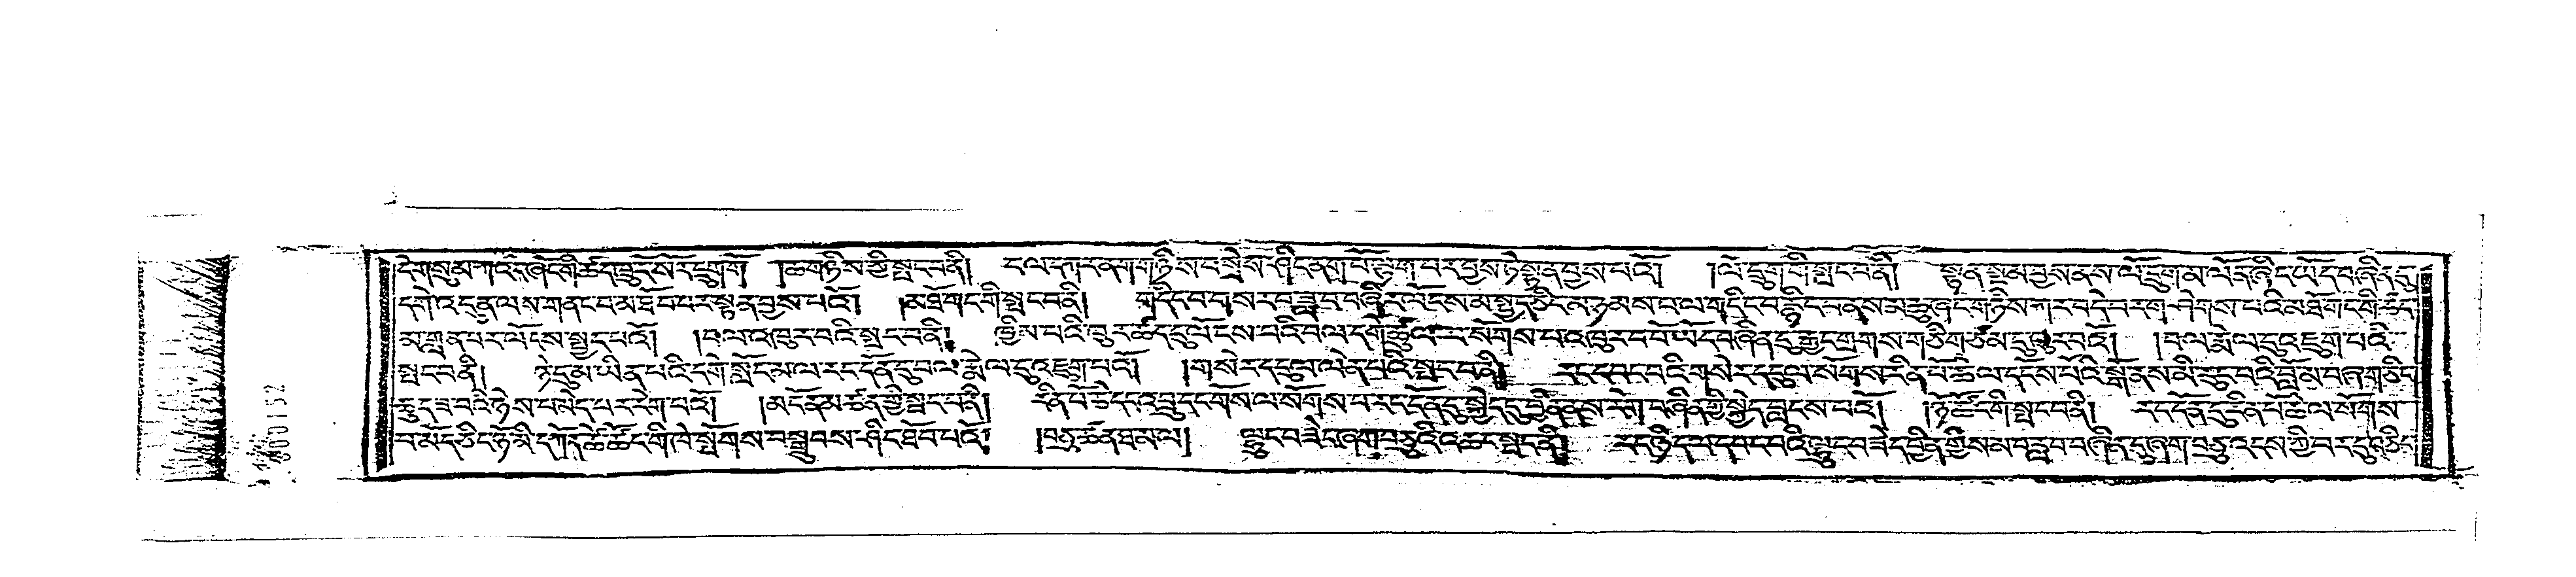དེ་གསུམ་ཀའང་ཞོང་གི་ཚད་ཁྲུ་རོ་སོར་དྲུག་གོ །ཆ་གཉིས་ཀྱི་སྤང་བ་ནི། ངལ་དཀར་ནག་གཉིས་བསྲེས་ཤིང་ནག་པོ་ལྟག་པར་བྱས་ཏེ་བསྟན་བྱས་པའོ། །ལོ་དྲུག་གི་སྤང་བ་ནི། སྟན་སྔ་མ་བྱས་ནས་ལོ་དྲུག་མ་ལོན་ཞིང་ཡོད་བཞི་
དགེ་འདུན་ལས་གནང་བ་མ་ཐོབ་པར་སྟན་བྱས་པའོ། །མཐོ་གང་གི་སྤང་བ་ནི། གདིང་བ་གསར་བ་ཟླ་བ་བཞིར་ལོངས་མ་སྤྱད་ཅིང་མ་ཉམས་པ་ལ་གདིང་བ་རྙིང་པ་ནས་མཆུ་ཞང་གཉིས་ཀར་བདེ་བར་གཤེགས་པའི་མཐོ་གང་གི་
མ་གླན་པར་ལོངས་སྤྱོད་པའོ། །བལ་འཁུར་བའི་སྤང་བ་ནི། ཁྱིམ་པའི་ཁུར་ཚད་དུ་ལོངས་པའི་བལ་དགེ་ཚུལ་ལ་སོགས་པ་འཁུར་བ་པོ་ཡོད་བཞིན་དུ་རྒྱང་གྲགས་གཅིག་ཙམ་དུ་ཁུར་བའོ། །བལ་རྨེ་ལ་དུ་འཇུག་པའི་
སྤང་བ་ནི། ཉེ་དུ་མ་ཡིན་པའི་དགེ་སློང་མ་ལ་རང་དོན་དུ་བལ་རྨེལ་དུ་འཇུག་པའོ། །གསེར་དངུལ་ལེན་པའི་སྤང་བ་ནི། རང་དབང་བའི་གསེར་དངུལ་སོགས་རིན་པོ་ཆེ་ལ་དངོས་པོའི་སྒོ་ནས་མི་རུང་བའི་བློ་མ་བཞག་
ཆུད་ཟ་བའི་ཉེས་པ་མེད་པར་རེག་པའོ། །མངོན་མཚན་གྱི་སྤང་བ་ནི། རིན་པོ་ཆེ་དང་འབྲུ་དང་གོས་ལ་སོགས་པ་རང་དོན་དུ་སྐྱེད་དུ་བྱིན་ནས་རེག་བཞིན་གྱི་སྐྱེད་བླངས་པའོ། །ཉོ་ཚོང་གི་སྤང་བནི། རང་དོན་དུ་རིན་པོ་ཆེ་ལ་སོགས་
པ་མོད་ཅིང་ཉོ་མི་དཀོན་ཚེ་ཚོང་གི་ཁེ་སྤོགས་བསྒྲུབས་ཤིང་ཐོབ་པའོ། །བཅུ་ཚན་ཐ་མ་ལ། ལྷུང་བཟེད་ཞག་བཅུའི་འཆང་སྤང་ནི། རང་ཉིད་ལ་དབང་བའི་ལྷུང་བཟེད་བྱིན་གྱིས་མ་བརླབ་བཞིན་དུ་ཞག་བཅུ་འདས་ཀྱི་བར་དུ་